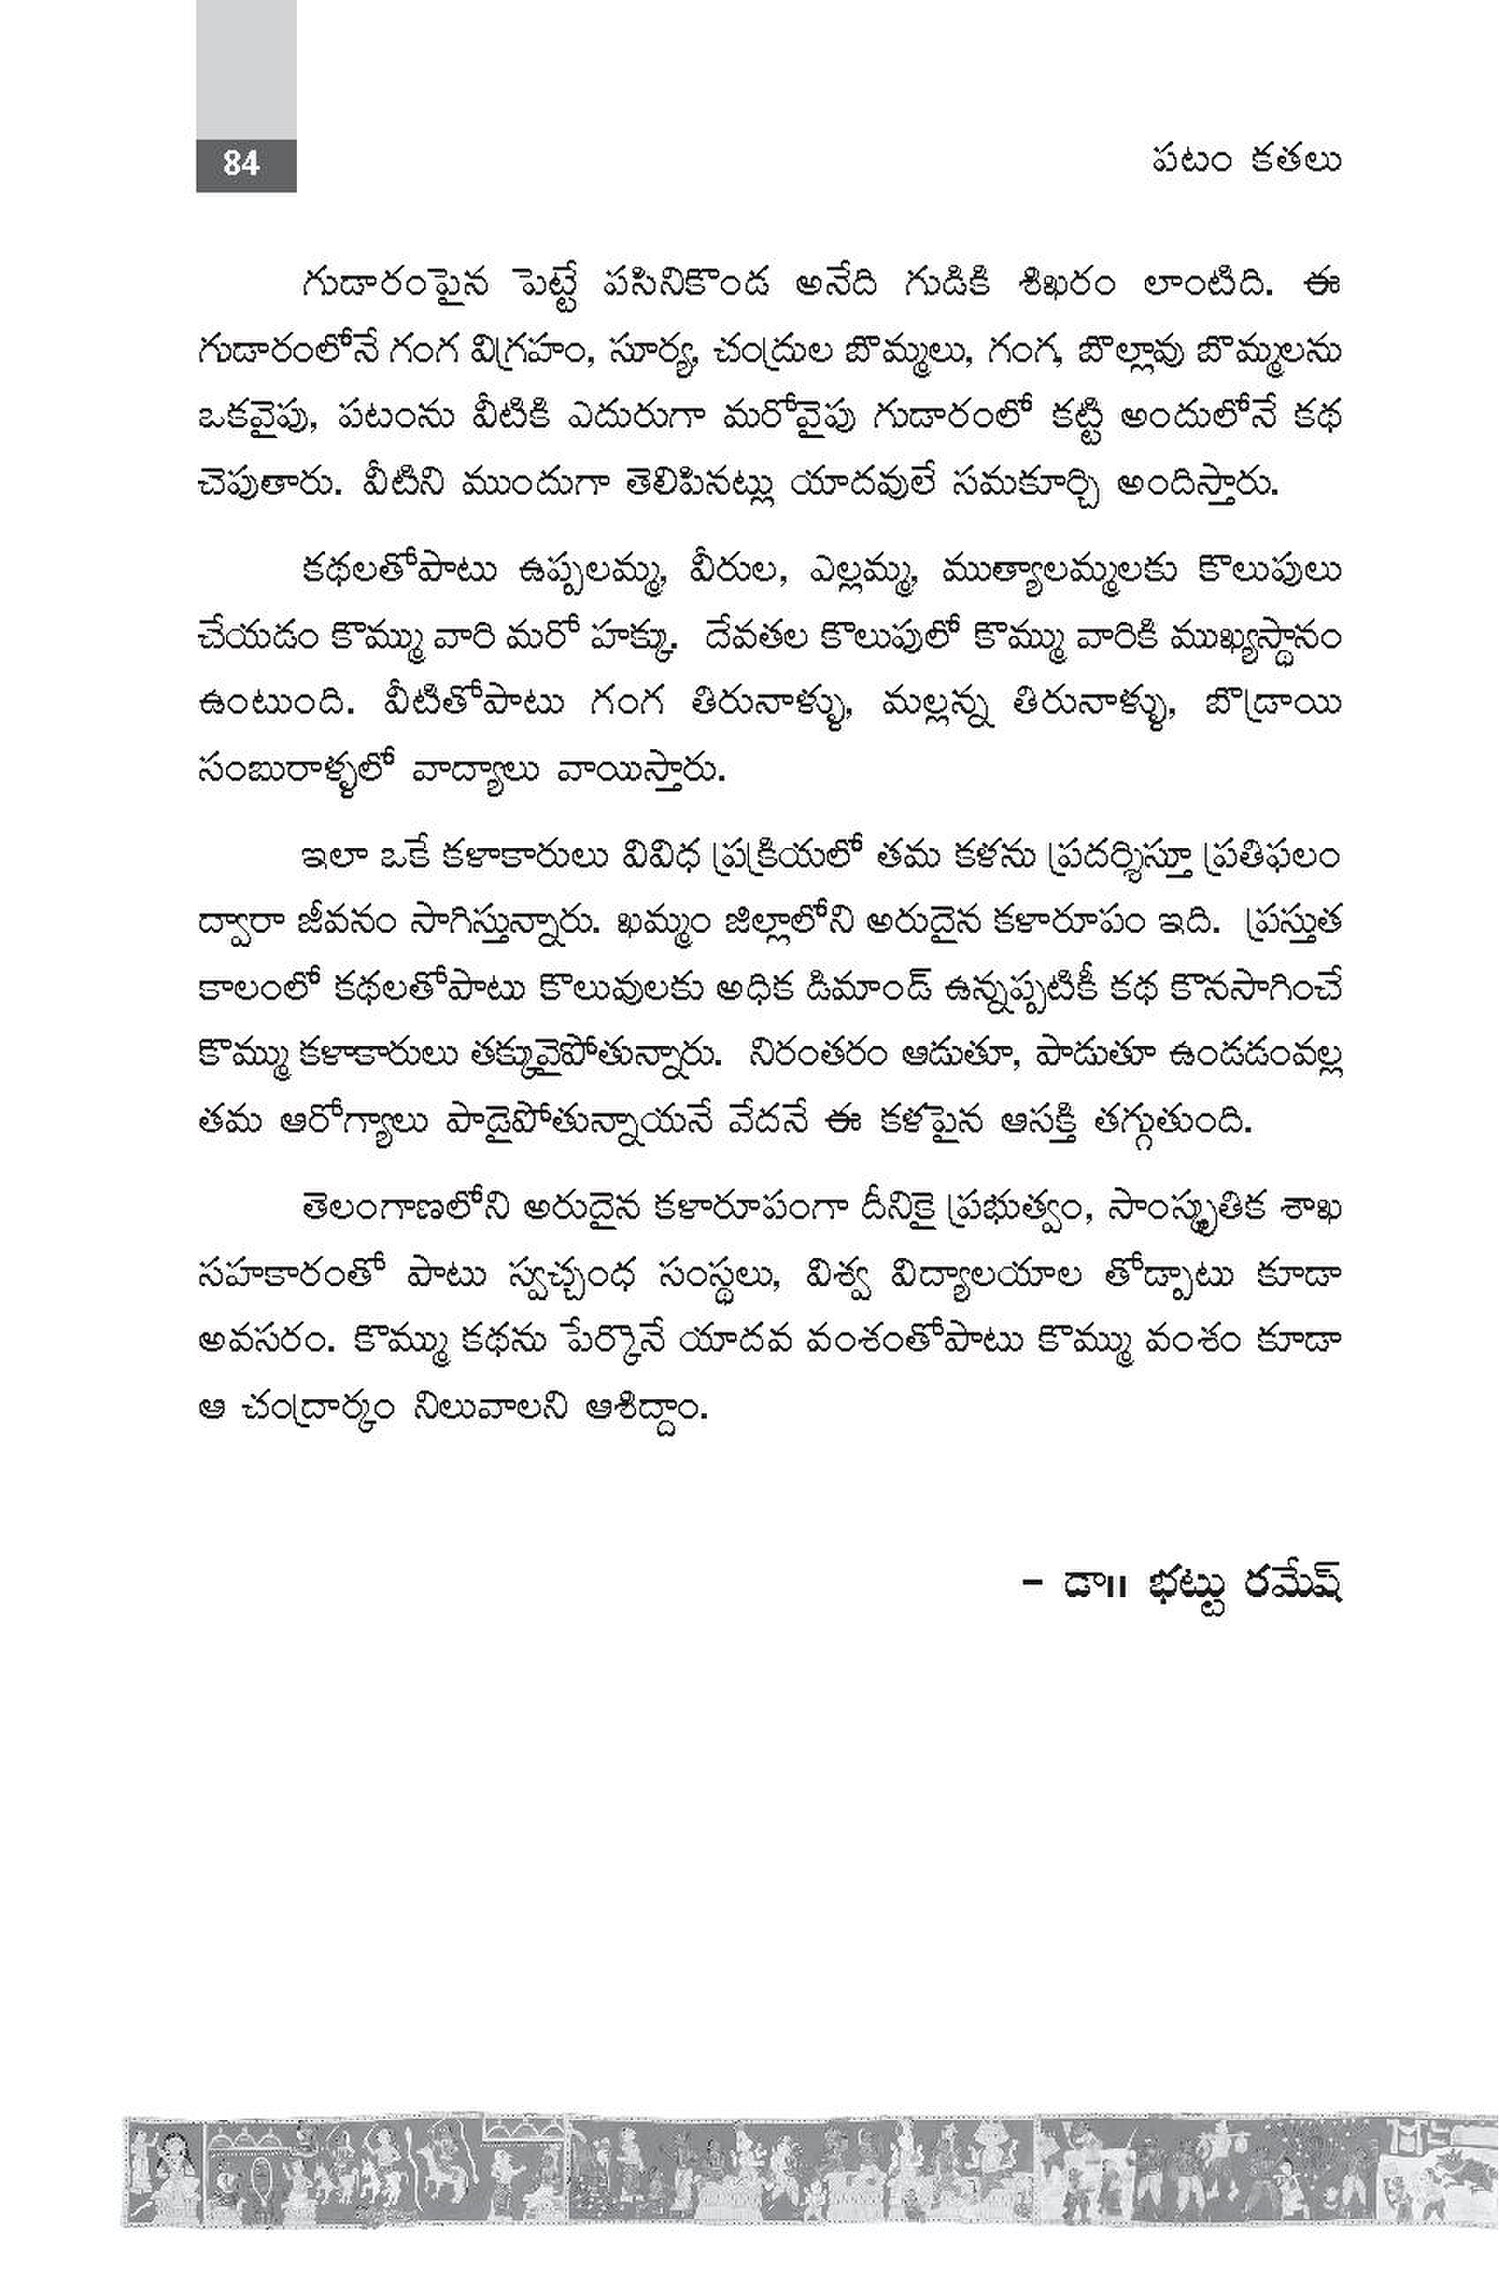గుడారం పైన పెట్టే పసినికొండ అనేది గుడికి శిఖరం లాంటిది. ఈ గుడారంలోనే గంగ విగ్రహం, సూర్య, చంద్రుల బొమ్మలు, గంగ, బొల్లావు బొమ్మలను ఒకవైపు, పటంను వీటికి ఎదురుగా మరోవైపు గుడారంలో కట్టి అందులోనే కథ
చెపుతారు. వీటిని ముందుగా తెలిపినట్లు యాదవులే సమకూర్చి అందిస్తారు.

కథలతోపాటు ఉప్పలమ్మ, వీరుల, ఎల్లమ్మ, ముత్యాలమ్మలకు కొలుపులు చేయడం కొమ్ము వారి మరో హక్కు, దేవతల కొలుపులో కొమ్ము వారికి ముఖ్యస్థానం ఉంటుంది. వీటితోపాటు గంగ తిరునాళ్ళు, మల్లన్న తిరునాళ్ళు, బొడ్రాయి
సంబురాళ్ళలో వాద్యాలు వాయిస్తారు.

ఇలా ఒకే కళాకారులు వివిధ ప్రక్రియలో తమ కళను ప్రదర్శిస్తూ ప్రతిఫలం ద్వారా జీవనం సాగిస్తున్నారు. ఖమ్మం జిల్లాలోని అరుదైన కళారూపం ఇది. ప్రస్తుత కాలంలో కథలతోపాటు కొలువులకు అధిక డిమాండ్ ఉన్నప్పటికీ కథ కొనసాగించే కొమ్ము కళాకారులు తక్కువైపోతున్నారు. నిరంతరం ఆడుతూ, పాడుతూ ఉండడంవల్ల తమ ఆరోగ్యాలు పాడైపోతున్నాయనే వేదనే ఈ కళపైన ఆసక్తి తగ్గుతుంది.

తెలంగాణలోని అరుదైన కళారూపంగా దీనికై ప్రభుత్వం, సాంస్కృతిక శాఖ సహకారంతో పాటు స్వచ్చంధ సంస్థలు, విశ్వ విద్యాలయాల తోడ్పాటు కూడా అవసరం. కొమ్ము కథను పేర్కొనే యాదవ వంశంతోపాటు కొమ్ము వంశం కూడా
ఆ చంద్రార్కం నిలువాలని ఆశిద్దాం.